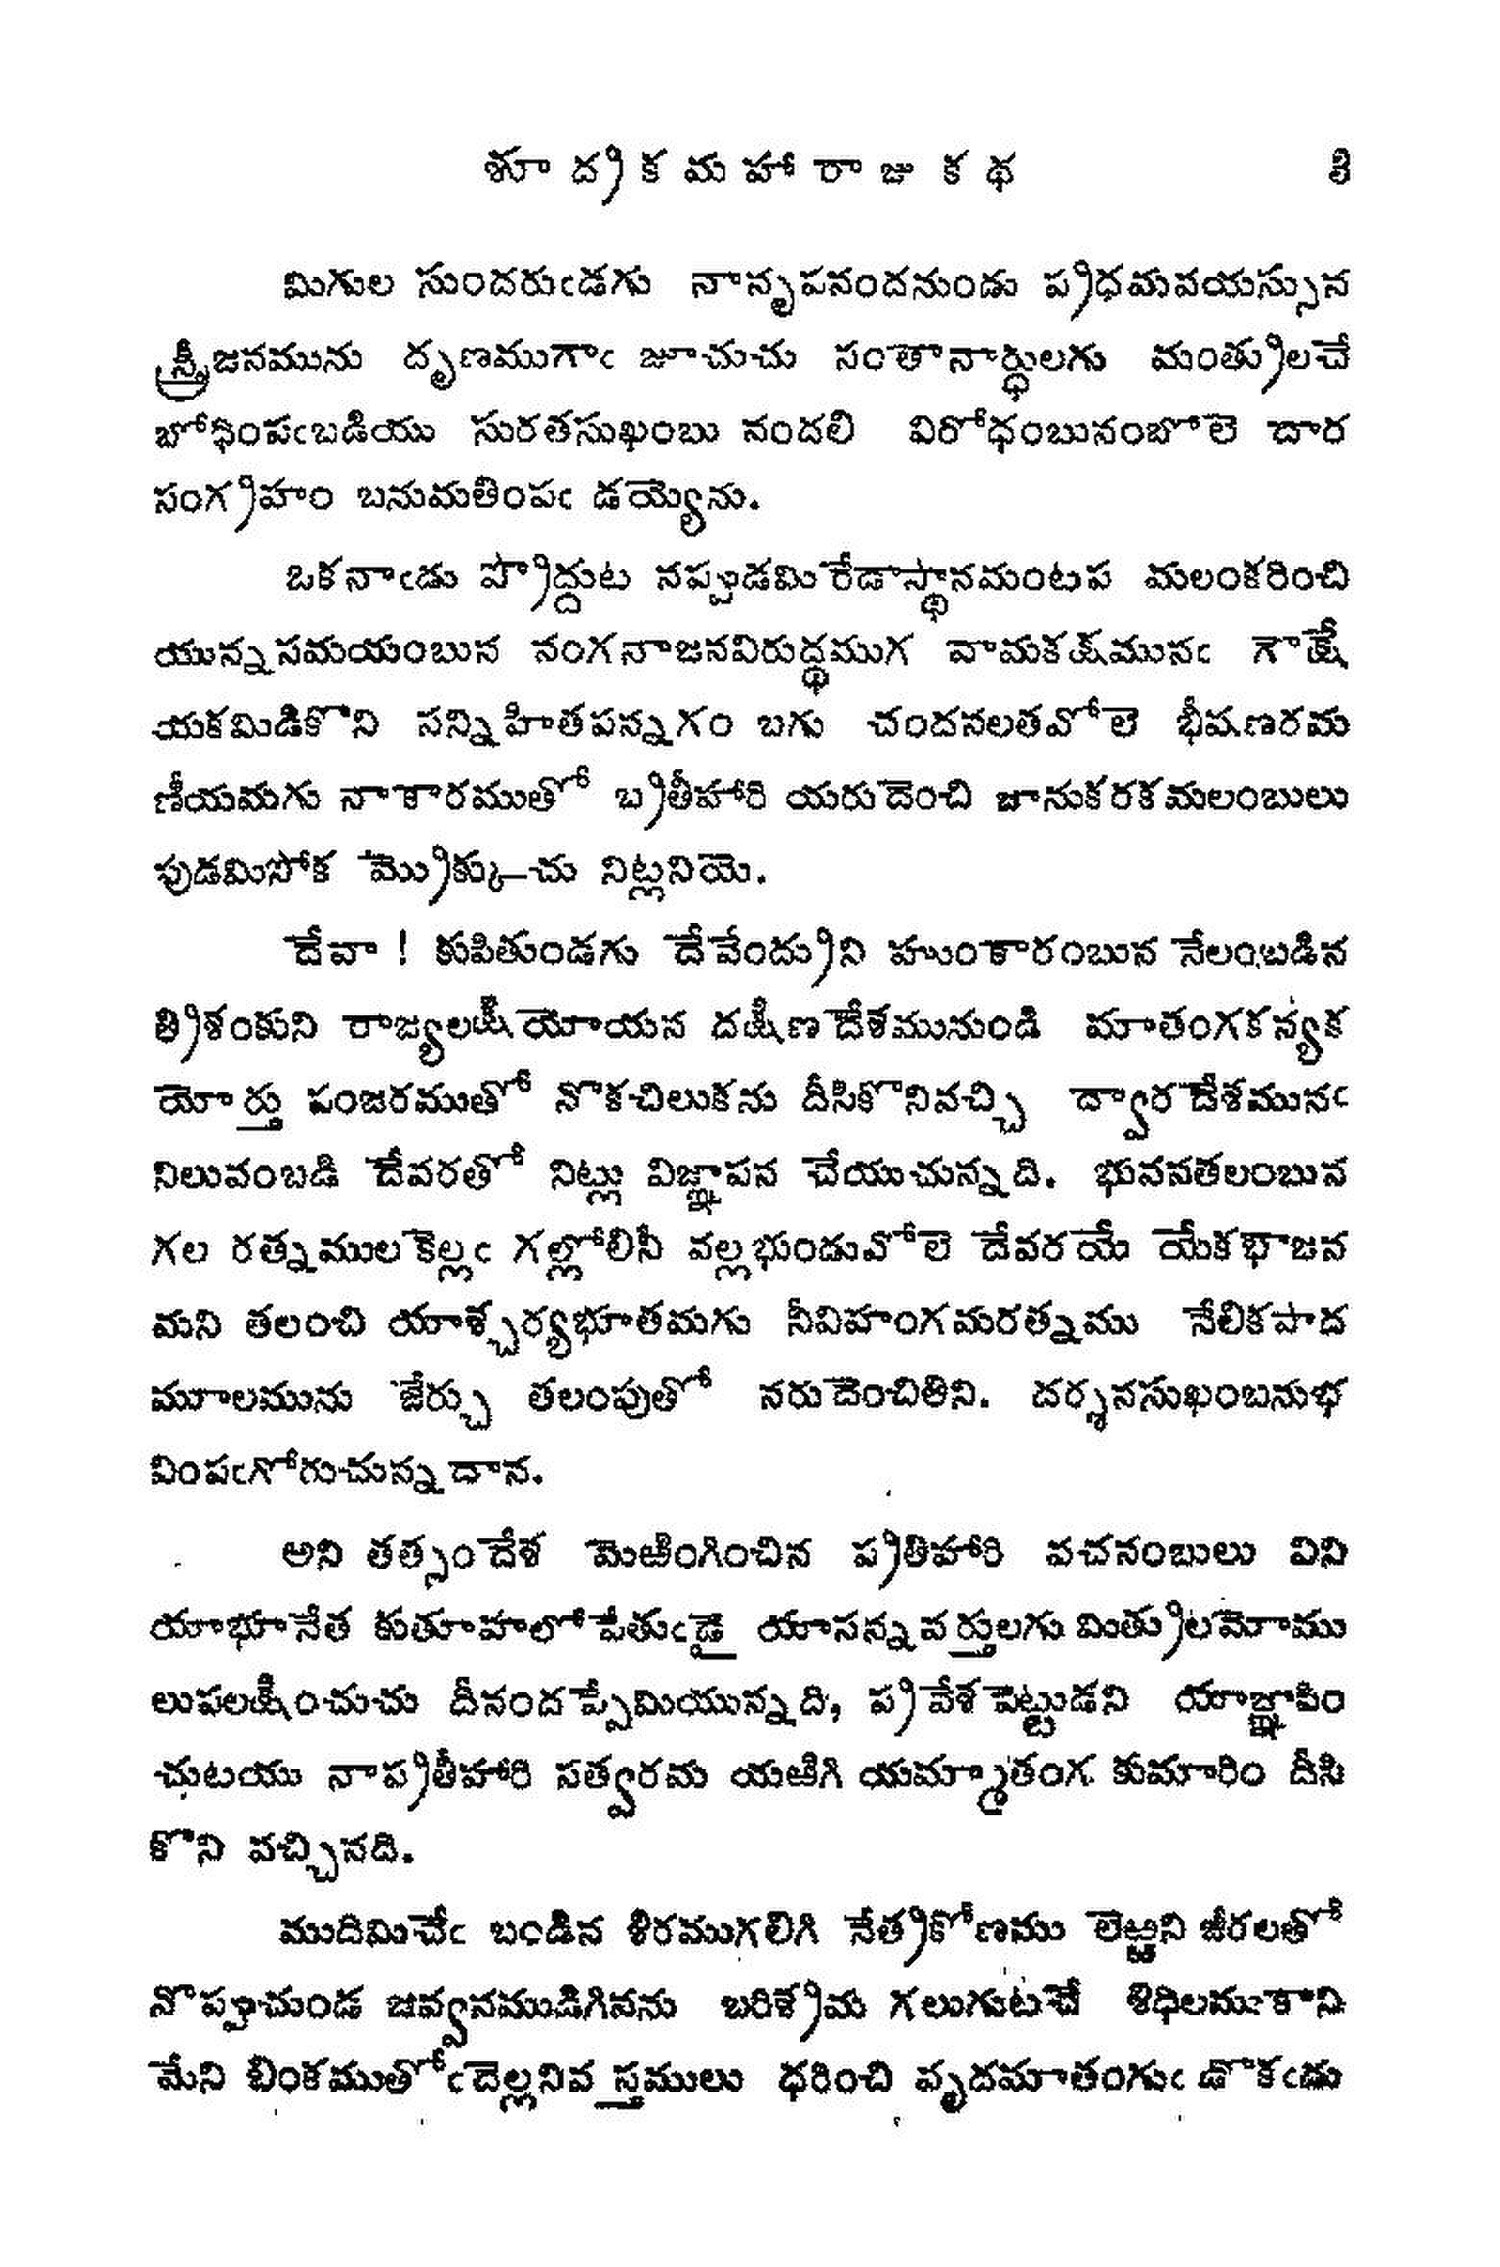మిగుల సుందరుఁడగు నానృపనందనుండుఁఁ ప్రధమవయస్సున స్త్రీజనమును దృణముగాఁ జూచుచు సంతానార్ధులగు మంత్రులచే బోధింపఁబడియు సురతసుఖంబు నందలి విరోధంబునంబోలె దార సంగ్రహం బనుమతింపఁ డయ్యెను.

ఒకనాఁడు ప్రొద్దుట నప్పడమి రేడాస్థానమంటప మలంకరించి యున్నసమయంబున నంగనాజనవిరుద్థముగ వామకక్షమునఁ గౌక్షేయకమిడికొని సన్నిహితపన్నగం బగు చందనలతవోలె భీషణరమణీయమగు నాకారముతో బ్రతీహారి యరుదెంచి జానుకరకమలంబులు పుడమిసోక మ్రొక్కుచు నిట్లనియె.

దేవా ! కుపితుండగు దేవేంద్రుని హుంకారంబున నేలంబడిన త్రిశంకుని రాజ్యలక్ష్మియోయన దక్షిణదేశమునుండి మాతంగకన్యక యోర్తు పంజరముతో నొకచిలుకను దీసికొనివచ్చి ద్వారదేశమునఁ నిలువంబడి దేవరతో నిట్లు విజ్ఞాపన చేయుచున్నది. భువనతలంబున గల రత్నములకెల్లఁ గల్లోలినీ వల్లభుండువోలె దేవరయే యేకభాజన మని తలంచి యాశ్చర్యభూతమగు నీవిహంగమరత్నము నేలికపాద మూలమును జేర్చు తలంపుతో నరుదెంచితిని. దర్శనసుఖంబను భవింపఁగోరుచున్న దాన.

అని తత్సందేశ మెఱింగించిన ప్రతిహారి వచనంబులు విని యాభూనేత కుతూహలోపేతుఁడై యాసన్నవర్తులగు మిత్రులమోము లుపలక్షించుచు దీనందప్పేమియున్నది, ప్రవేశపెట్టుడని యాజ్ఞాపించుటయు నాప్రతీహారి సత్వరమ యఱిగి యమ్మాతంగ కుమారిం దీసికొని వచ్చినది.

ముదిమిచేఁ బండిన శిరముగలిగి నేత్రకోణము లెఱ్ఱని జీరలతో నొప్పుచుండ జవ్వనముడిగినను బరిశ్రమ గలుగుటచే శిధిలముకాని మేని బింకముతోఁదెల్లనివస్త్రములు ధరించి వృదమాతంగుఁడొకఁడు